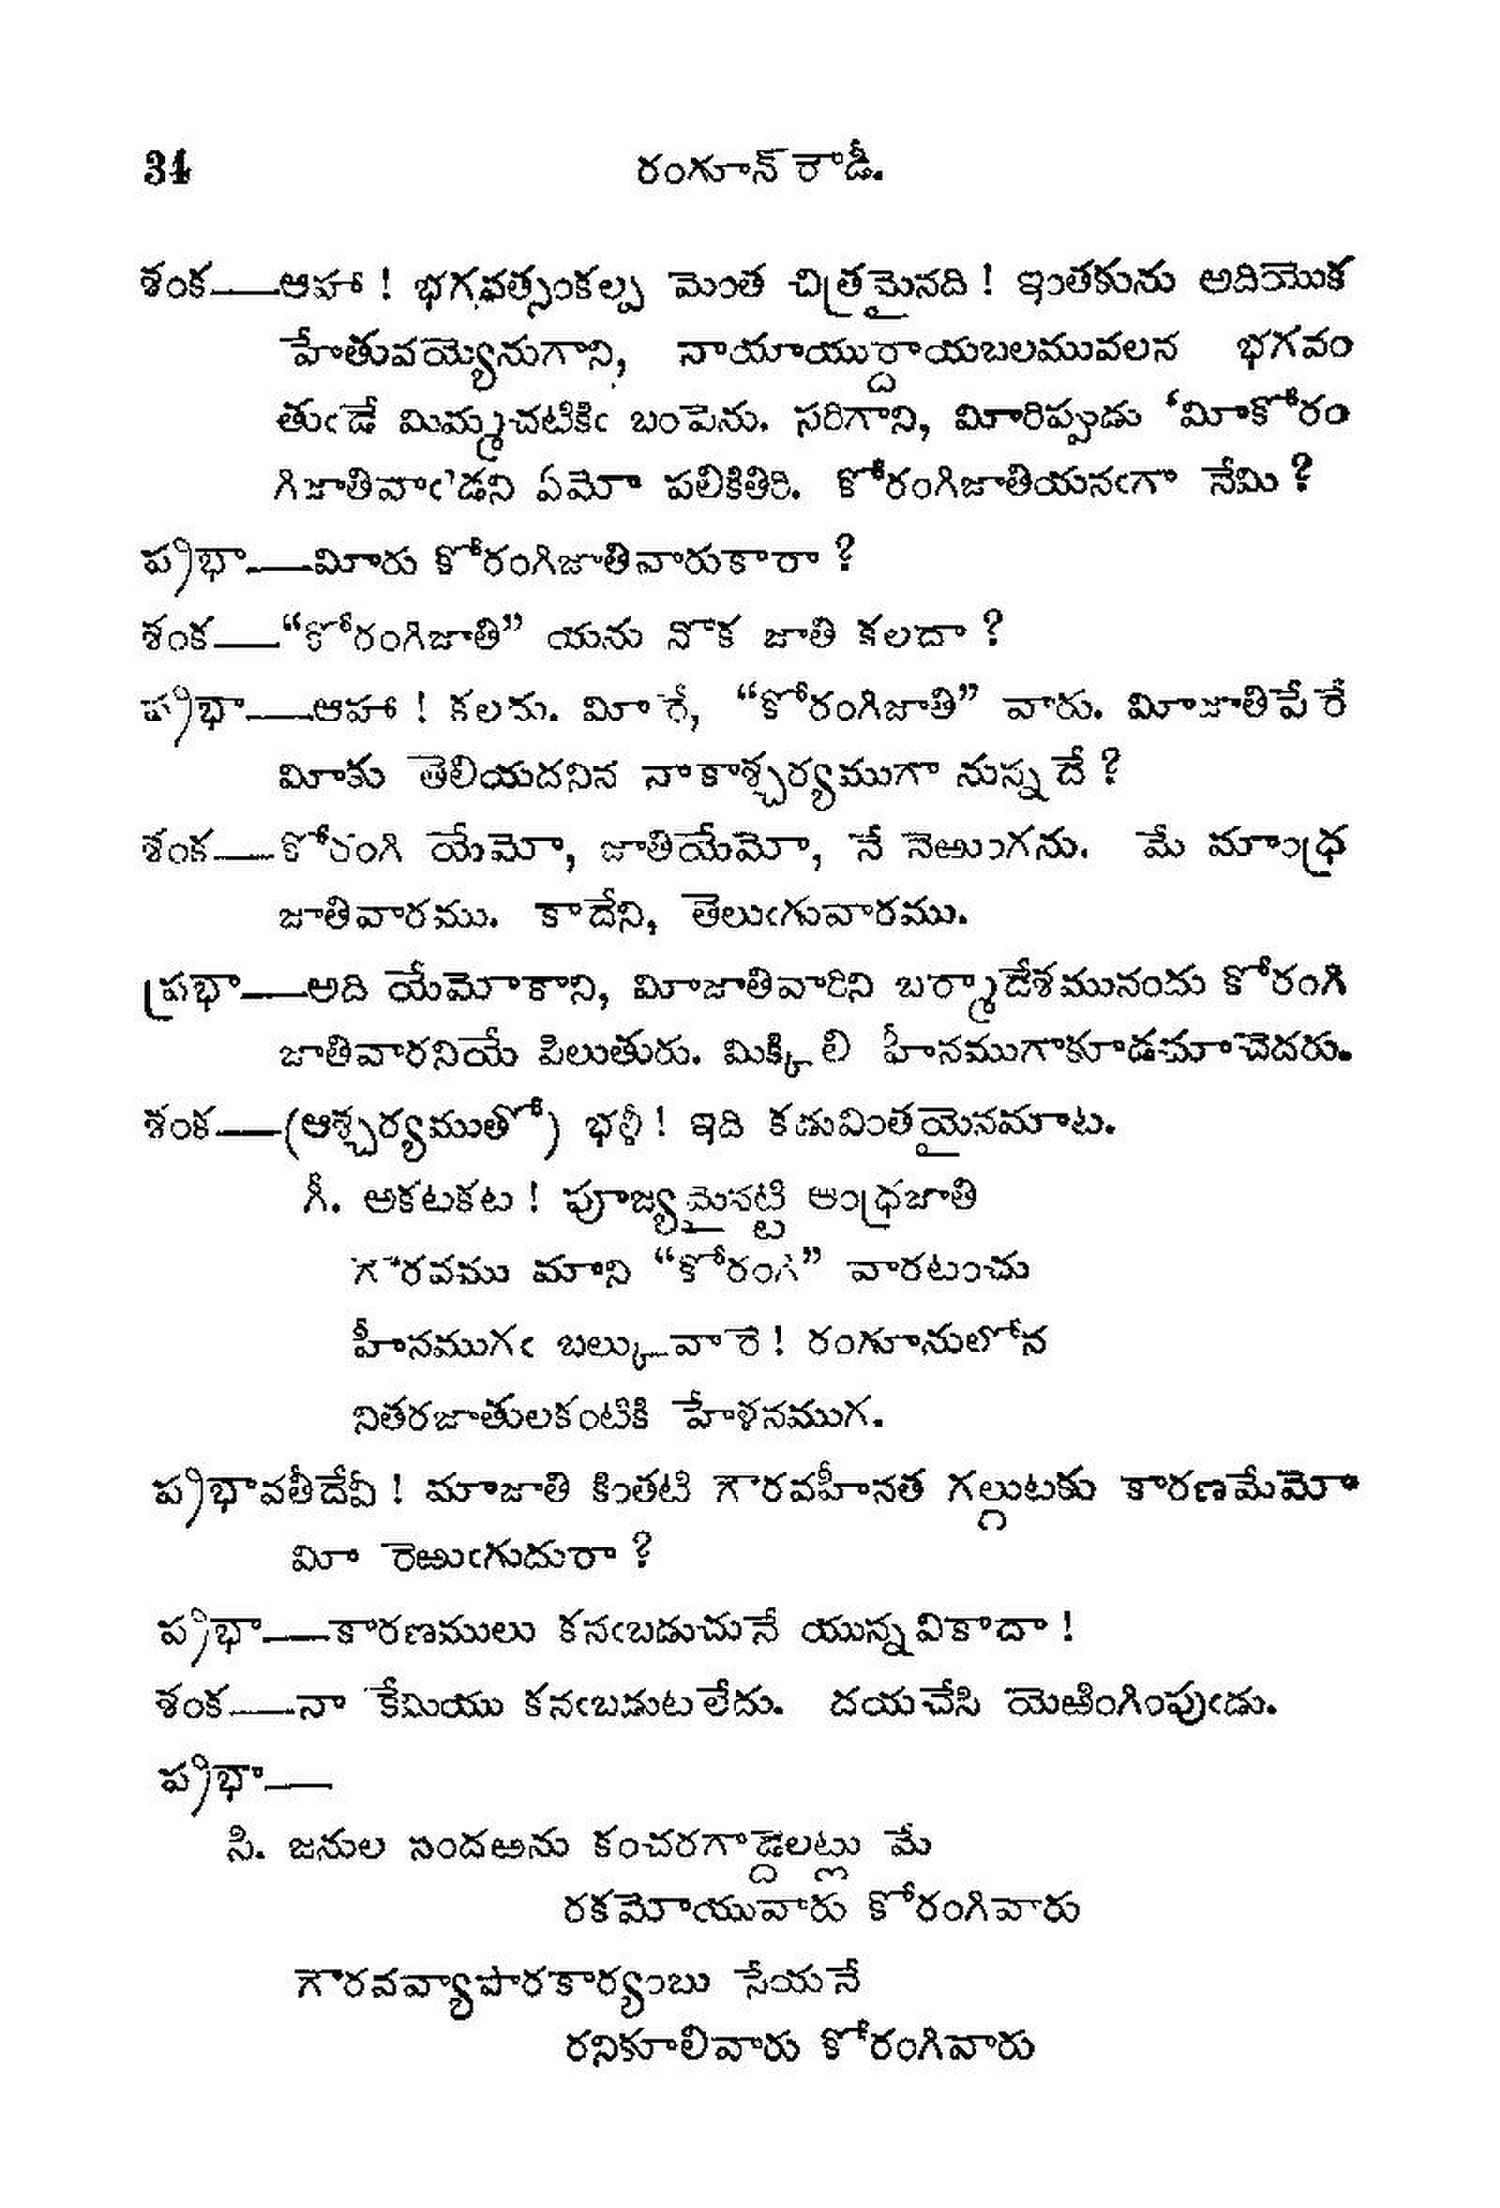శంక - ఆహా ! భగవత్సంకల్ప మెంత చిత్రమైనది ! ఇంతకును అదియొక హేతువయ్యెనుగాని, నాయాయుర్దాయబలమువలన భగవంతుండే మిమ్మచటికిఁ బంపెను. సరిగాని, మీరిప్పుడు 'మీకోరంగిజాతివాఁ'డని ఏమో పలికితిరి. కోరంగిజాతియనఁగా నేమి?

ప్రభా - మీరు కోరంగిజాతివారుకారా ?

శంక - "కోరంగిజాతి" యను నొక జాలి కలదా ?

ప్రభా - ఆహా ! కలదు. మీరే, “కోరంగిజాతి” వారు. మీజాతిపేరే మీకు తెలియదనిన నాకాశ్చర్యముగా నున్న దే ?

శంక - కోరంగి యేమో, జాతియేమో, నే నెఱుగను. మే మాంధ్ర జాతివారము. కాదేని, తెలుఁగువారము.

ప్రభా - అది యేమోకాని, మీజాతివారిని బర్మాదేశమునందు కోరంగి జాతివారనియే పిలుతురు. మిక్కిలి హీనముగాకూడచూచెదరు.

శంక - (ఆశ్చర్యముతో) భళీ ! ఇది కడువింతయైనమాట.

గీ. అకటకట ! పూజ్యమైనట్టి ఆంధ్రజాతి
 గౌరవము మాని “కోరంగి” వారటంచు
 హీనముగఁ బల్కువారె! రంగూనులోన
 నితరజాతులకంటికి హేళనముగ.
ప్రభావతీదేవీ ! మాజాతి కింతటి గౌరవహీనత గల్గుటకు కారణమేమో మీ రెఱుఁగుదురా?

ప్రభా - కారణములు కనఁబడుచునే యున్నవికాదా !

శంక - నా కేమియు కనఁబడుటలేదు. దయచేసి యెఱింగింపుఁడు.

పభా -

సీ. జనుల సందఱను కంచరగాడ్దెలట్లు మే
 రకమోయువారు కోరంగివారు
 గౌరవవ్యాపారకార్యంబు సేయనే
 రనికూలివారు కోరంగివారు